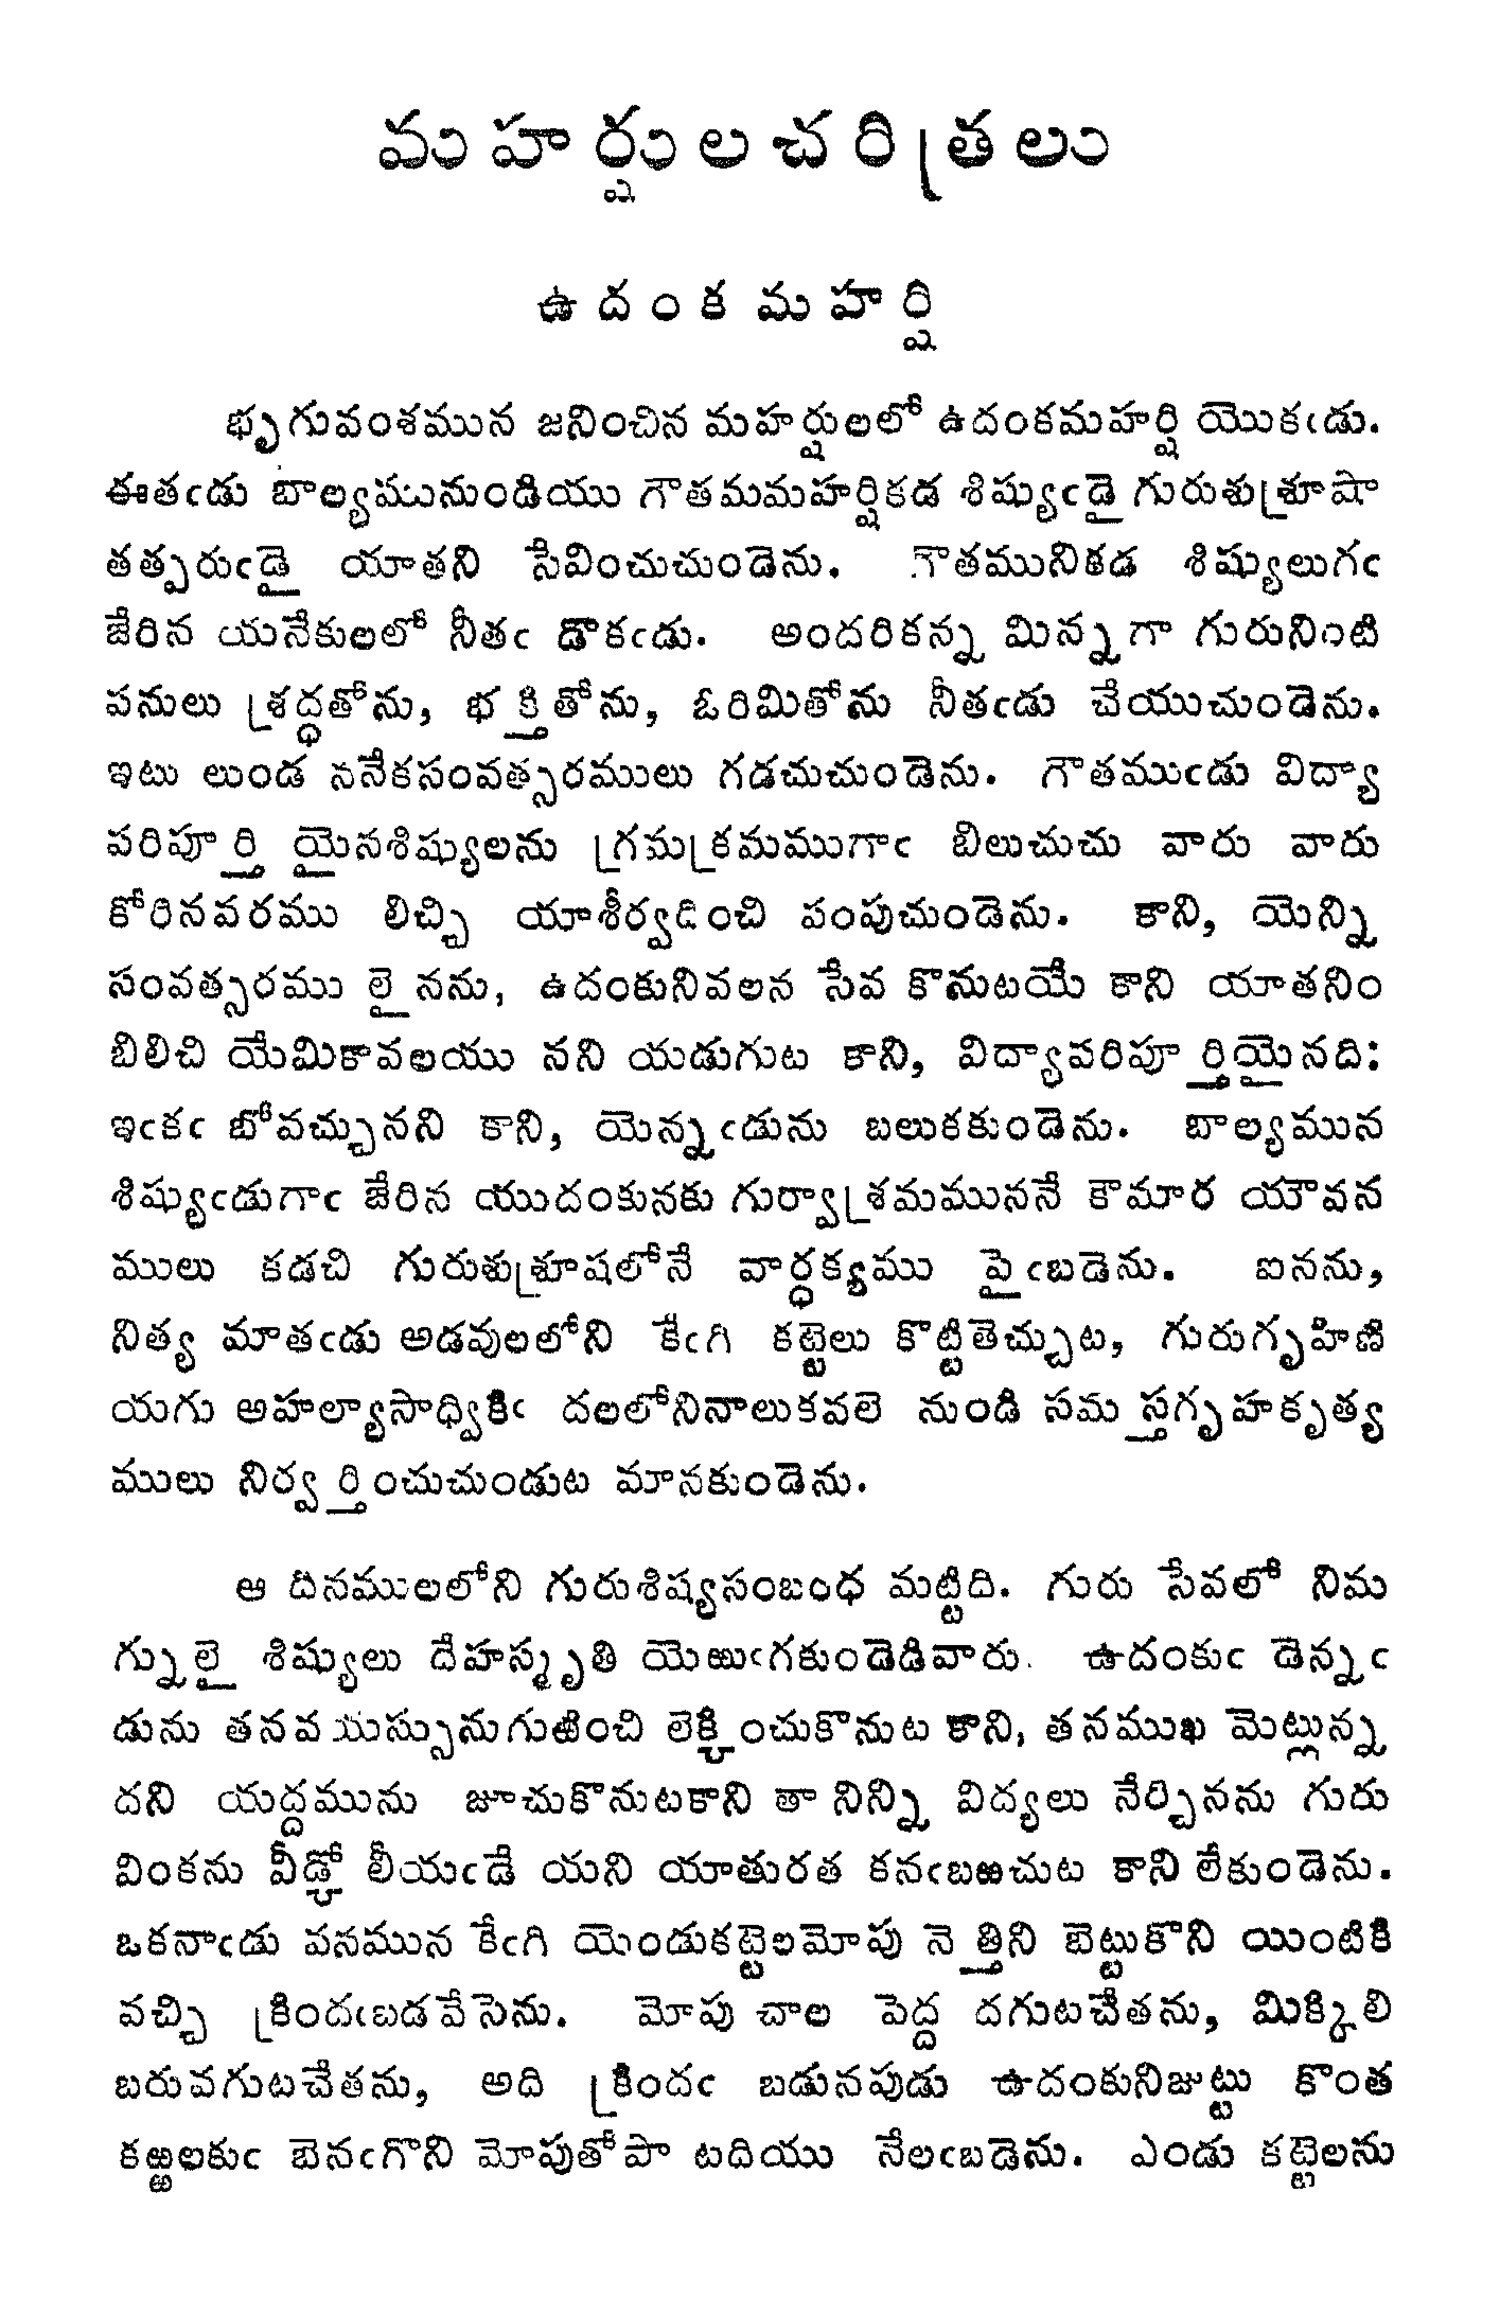భృగువంశమున జనించిన మహర్షులలో ఉదంకమహర్షి యొకడు. ఈతడు బాల్యమునుండి గౌతమమహర్షికడ శిష్యుడై గురుశుశ్రూషా తత్పరుడై యాతని సేవించుచుండెను. గౌతమునికడ శిష్యులుగ జేరిన యనేకులలో నీత డొకడు. అందరికన్న మిన్నగా గురునింటి పనులు శ్రద్ధతోను, భక్తితోను, ఓరిమితోను నీతడు చేయుచుండెను. ఇటు లుండ ననేకసంవత్సరములు గడచుచుండెను. గౌతముడు విద్యా పరిపూర్తి యైనశిష్యులను గ్రమక్రమముగా బిలుచుచు వారు వారు కోరినవరము లిచ్చి యాశీర్వదించి పంపుచుండెను. కాని, యెన్ని సంవత్సరము లైనను, ఉదంకునివలన సేవ కొనుటయే కాని యాతనిం బిలిచి యేమికావలయు నని యడుగుట కాని, విద్యాపరిపూర్తియనది; ఇక బోవచ్చునని కాని, యెన్నడును బలుకకుండెను. బాల్యమున శిష్యుడుగా జేరిన యుదంకునకు గుర్వాశ్రమముననే కౌమార యౌవనములు కడచి గురుశుశ్రూషలోనే వార్ధక్యము పైబడెను. ఐనను, నిత్య మాతడు అడవులలొని కేగి కట్టెలు కొట్టితెచ్చుట, గురుగృహిణి యగు అహల్యాసాధ్వికి దలలోనినాలుకవలె నుండి సమస్తగృహకృత్యములు నిర్వహించుచుండుట మానకుండెను.

ఆ దినములలోని గురుశిష్యసంబంధ మట్టిది. గురు సేవలో నిమగ్నులై శిష్యులు దేహస్మృతి యెరుగకుండెడివారు. ఉదంకు డెన్నడును తనవయస్సునుగురించి లెక్కించుకొనుట కాని, తనముఖ మెట్లున్నదని యద్దమును జూచుకొనుటకాని తా నిన్ని విద్యలు నేర్చినను గురువింకను వీడ్కో లీయడే యని యాతురత కనబరచుట కాని లేకుండెను. ఒకనాడు వనమున కేగి యెండుకట్టెలమోపు నెత్తిని బెట్టుకొని యింటికి వచ్చి క్రిందబడవేసెను. మోపు చాల పెద్ద దగుటచేతను, మిక్కిలి బరువగుటచేతను, అది క్రింద బడునపుడు ఉదంకునిజుట్టు కొంత కర్రలకు బెనగొని మోపుతోపా టదియు నేలబడెను. ఎండు కట్టెలను